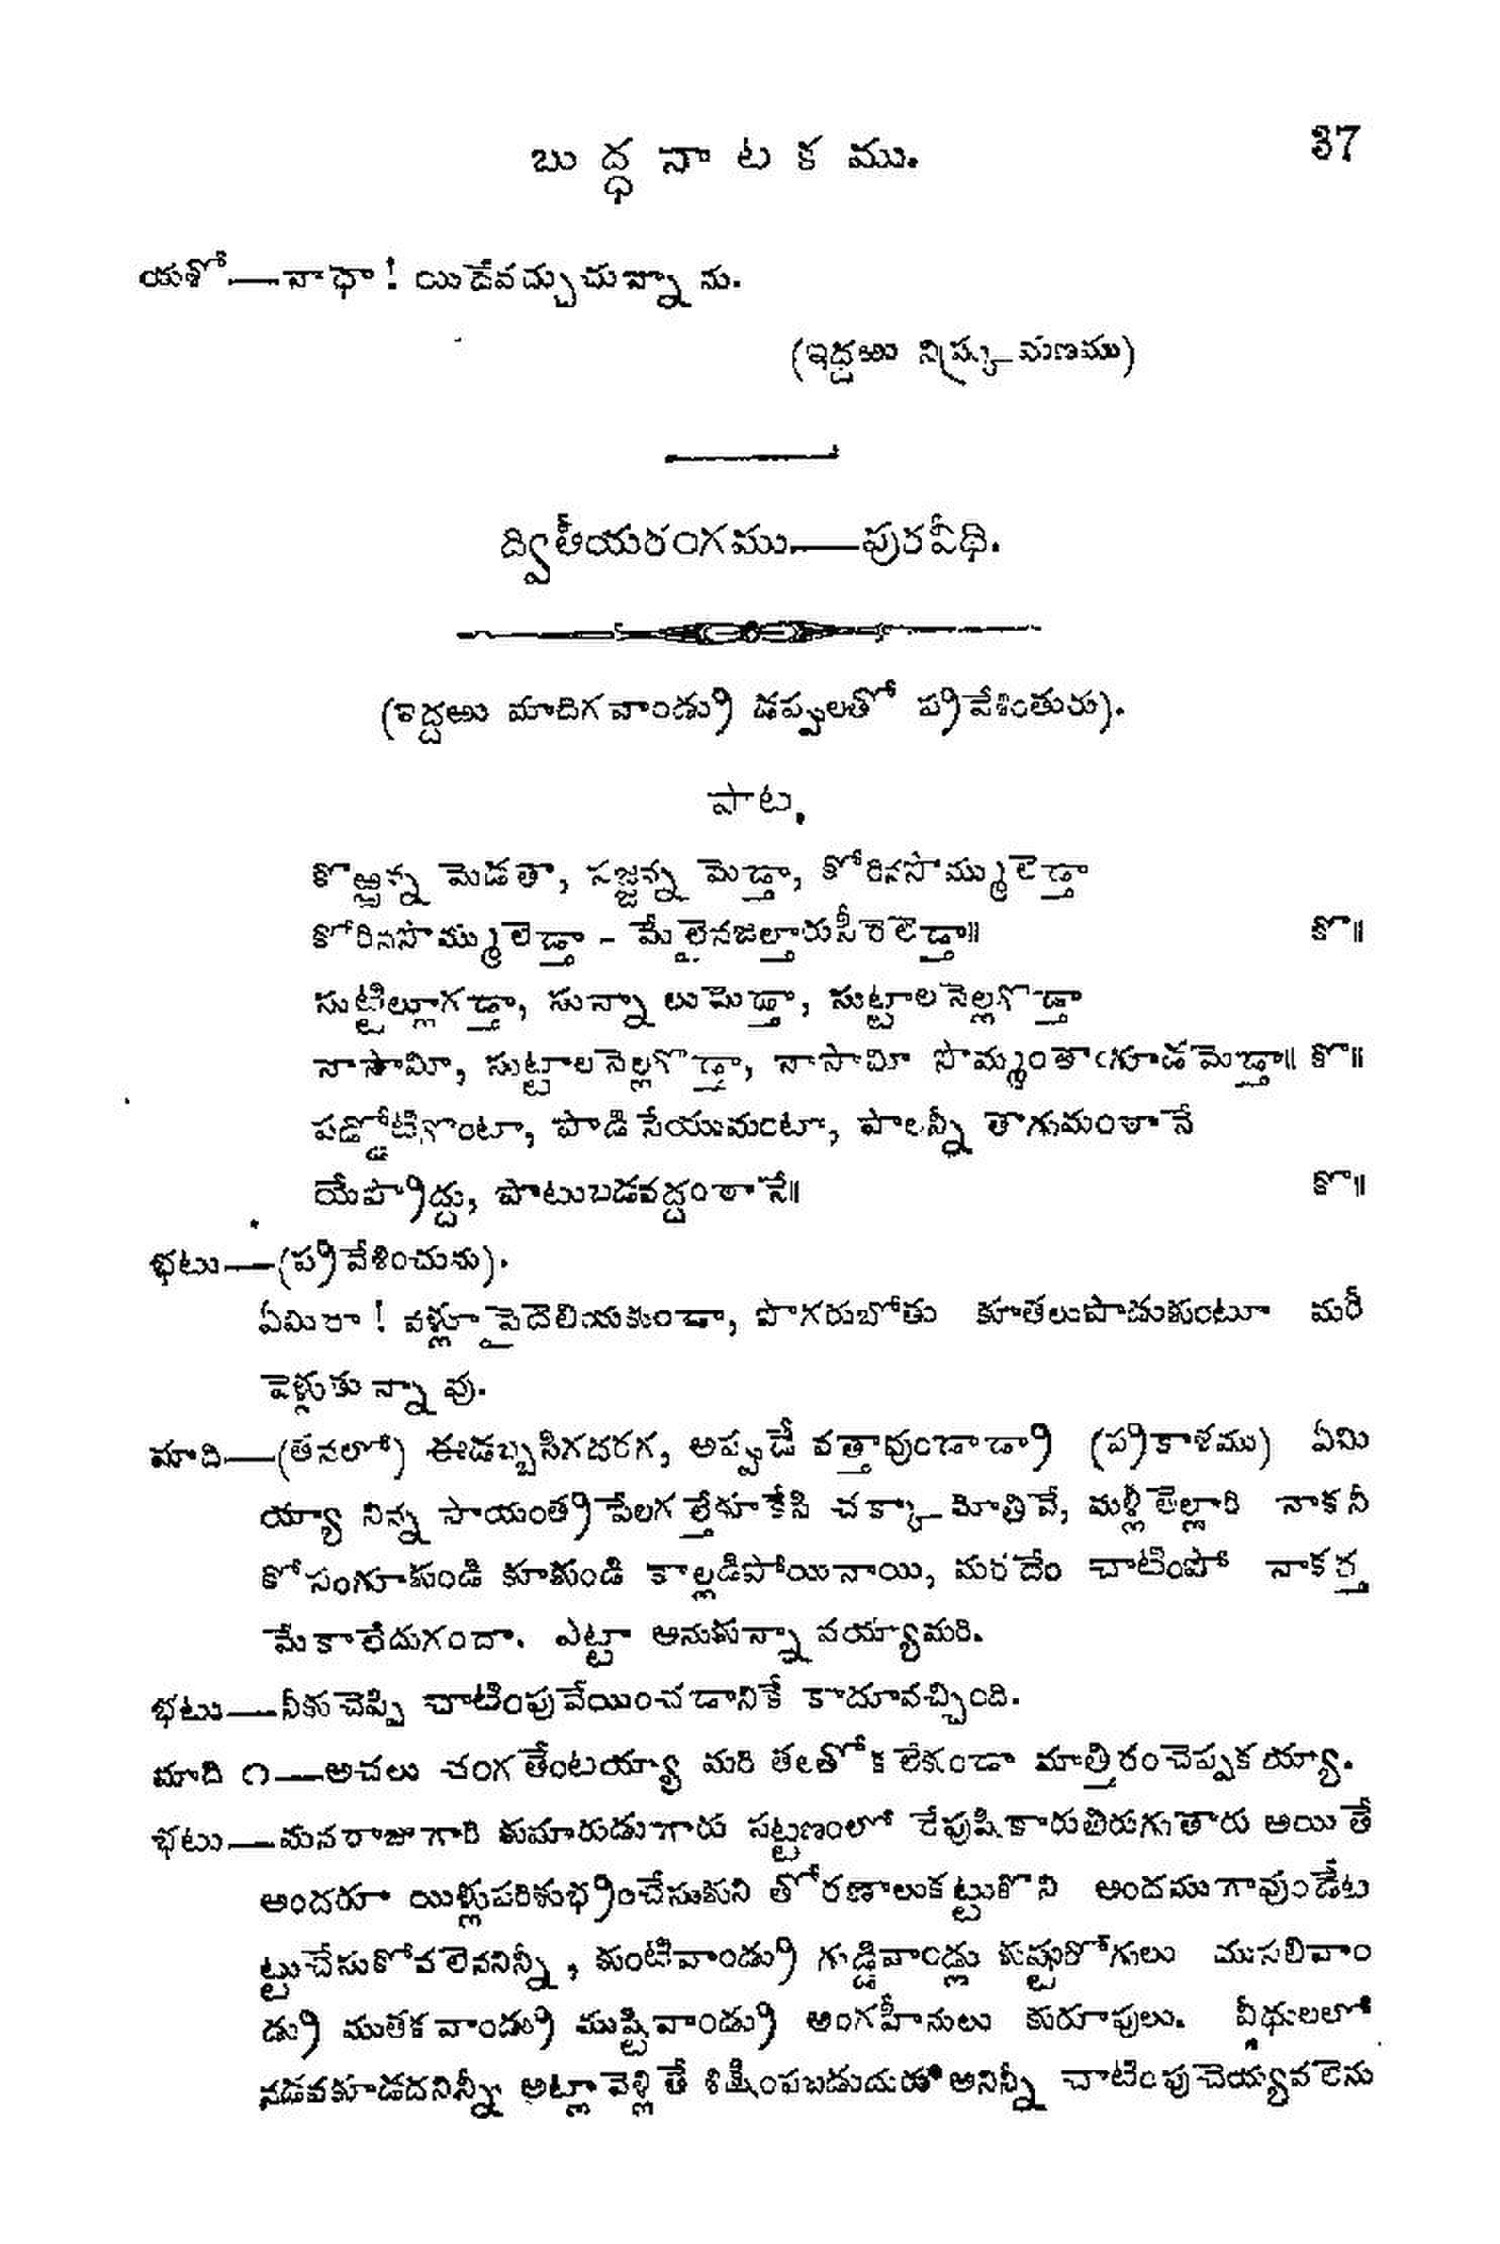యశో - నాధా! యిదేవచ్చుచున్నాను.

 

కొఱ్ఱన్న మెడతా, సజ్జన్న మెడ్తా, కోరినసొమ్ము లెడ్తా
కోరిససొమ్ము లెడ్తా - మేలైనజల్త సిరెలెడ్తా ॥కొ॥
సుట్టిల్లుగడ్తా, సున్నాలు మెడ్తా, సుట్టాలనెల్లకొలెడ్తా
నాసామి, సుట్టాల నెల్లకొడ్తా, నాసామీ సొమ్మంతాఁగూడ మెడ్తా ॥కొ॥
పడ్డోటిగొంటా, పొడిసేయుమంటా, పాలన్నీ తాగు తాగుమంటనే
యేప్రొద్దు, పాటుబడవద్దంఠానే ॥కొ॥  

భటు — (ప్రవేశించును),
ఏమిరా! వళ్లూ పైదెలియకుండా, పొగరుబోతు కూతలుపాడుకుంటూ మరీ వెళ్లుతున్నావు.

మాది — (తనలో) ఈడబ్బసిగధరగ, అప్పుడే వత్తావుండాడ్రా (ప్రకాశము) ఏమియ్యా నిన్న సాయంత్రంపేలగల్తేకూకేసి చక్కామోతినే, 
మళ్లితెల్లారి నాకనీ కోసంగూకుండి కూకుండి కాల్లడిపోయినాయి, మరదేం చాటింపో నాకర్త మేకాలేదుగందా. ఎట్టా అనుకున్నావయ్యామరి.

భటు - నీకు చెప్పి చాటింపువేయించడానికే కాదు వచ్చింది.

మాది ౧ - అచలు చంగతేంటయ్యా మరి తలతోక లేకుండా మాత్తిరం చెప్పకయ్యా.

భటు - మనరాజు గారి కుమారుడు గారు పట్టణంలో రేపుషీకారుతిరుగుతారు అయితే అందరూ యిళ్లు పరిశుభ్రంచేసుకుని తోరణాలుకట్టుకొని అందముగావుండేటట్టుచేసుకోవలెననిన్నీ, కుంటివాండ్రు గుడ్డివాండ్లు కుష్ఠురోగులు ముసలివాండ్రు ముతకవాండ్రు ముష్టివాండ్రు అంగ హీనులు కురూపులు, వీధులలో నడవకూడదనిన్నీ. అట్లా వెళ్లితే శిక్షింపబడుదురు అనిన్నీ చాటింపుచెయ్యవలెను.